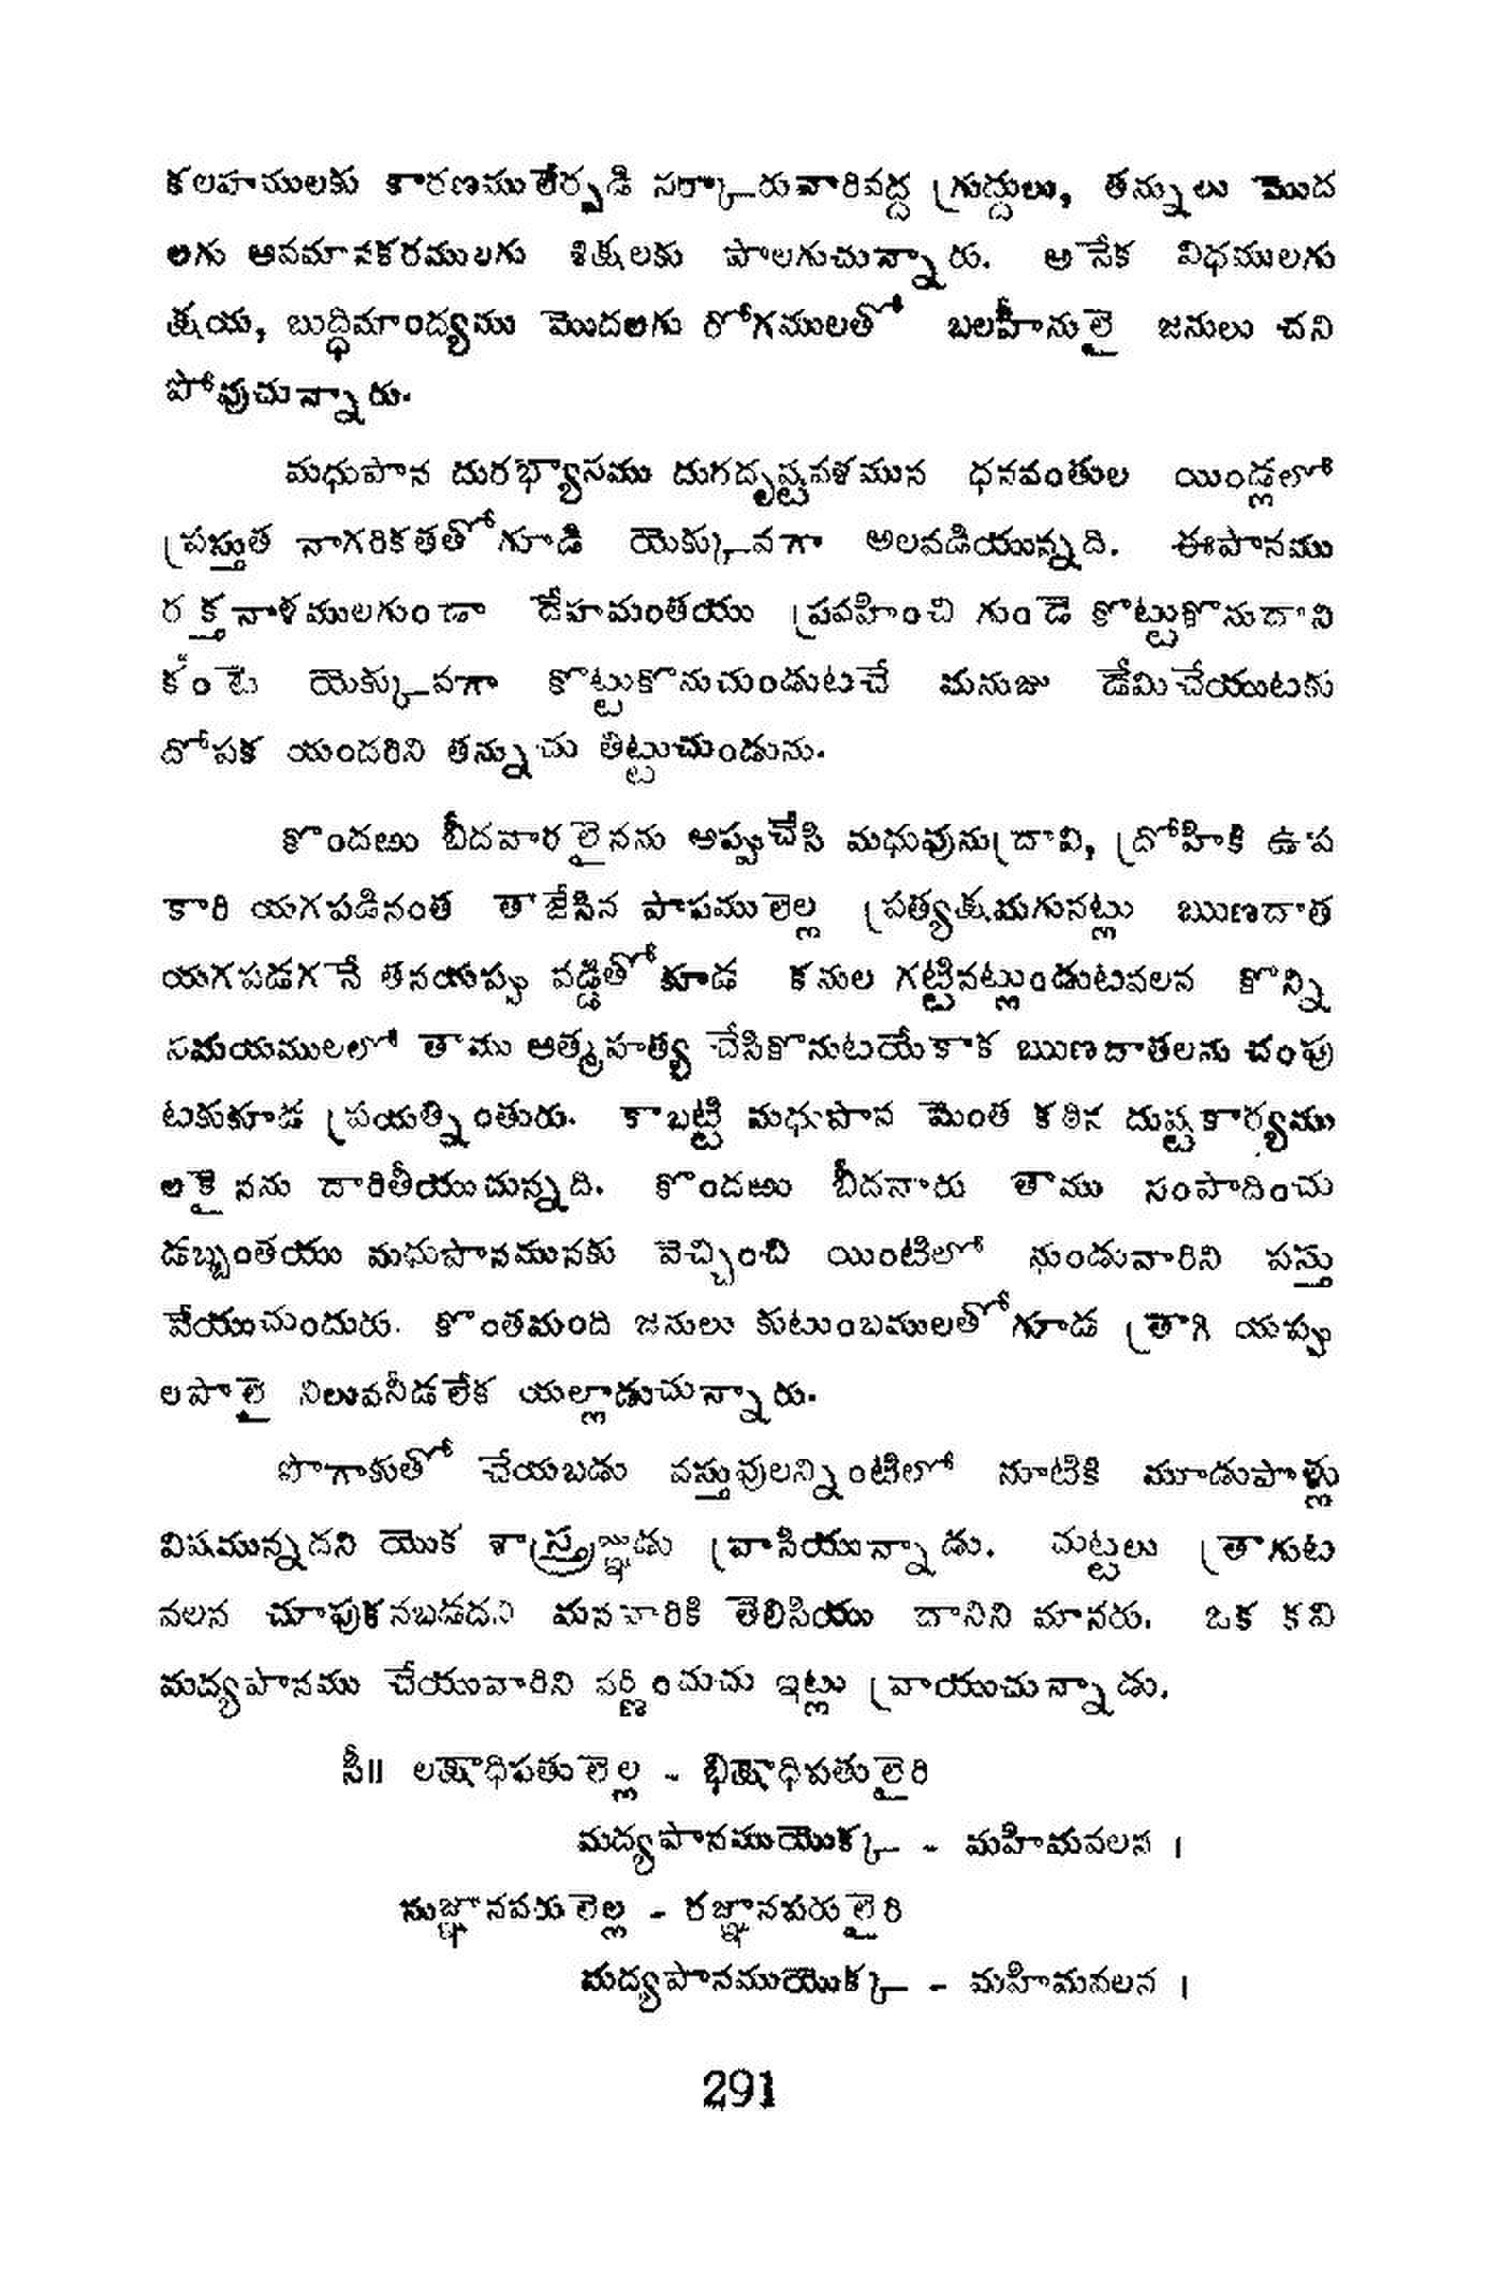కలహములకు కారణములేర్పడి సర్కారువారివద్ద గ్రుద్దులు, తన్నులు మొదలగు అవమానకరములగు శిక్షలకు పాలగుచున్నారు. అనేక విధములగు క్షయ, బుద్దిమాంద్యము మొదలగు రోగములతొ బలహీనులై జనులు చనిపోవుచున్నారు
 
మధుపాన దురభ్యాసము దురదృష్టవశమున ధనవంతుల యిండ్లలో ప్రస్తుత నాగరికతతొగూడి యెక్కువగా అలవడియున్నది. ఈపానము రక్తనాళములగుండా దేహమంతయు ప్రవహించి గుండె కొట్టుకొనుదానికంటె యెక్కువగా కొట్టుకొనుచుండుటచే మనుజు డేమిచేయుటకు దోపక యందరిని తన్నుచు తిట్టుచుండును.
 
కొందఱు బీదవారలైనను అప్పుచేసి మధువునుద్రావి, ద్రోహికి ఉపకారి యగపడినంత తాజేసిన పాపములెల్ల ప్రత్యక్షమగునట్లు ఋణదాతయగపడగనే తనయప్పు వడ్డితో కూడ కనుల గట్టినట్లుండుటవలన కొన్ని సమయములలో తాము ఆత్మహత్య చేసికొనుటయేకాక ఋణదాతలను చంపుటకుకూడ ప్రయత్నింతురు. కాబట్టి మధుపాన మెంత కఠిన దుష్టకార్యములకైనను దారి తీయుచున్నది. కొందఱు బీదవారు తాము సంపాదించు డబ్బంతయు మధుపాన మునకు వెచ్చించి యింటిలో నుండివారిని పస్తువేయుచుందురు. కొంతమంది జనులు కుటుంబములతో గూడ త్రాగి యప్పులపాలై నిలువనీడకు యల్లాడు చున్నారు.
 
పొగాకుతో చేయబడు వస్తువులన్నింటిలో నూటికి నూరుపాళ్లు విషమున్న దని యొక శాస్త్రజ్ఞడు వ్రాసియున్నాడు. చుట్టలు త్రాగుటవలన చూపుకనబడదని మనవారికి తెలిసియు దానిని మానరు. ఒక కవి మధ్యపానము చేయువారిని వర్ణించుచు ఇట్లు వ్రాయుచున్నాడు.

 సీ|| లక్షాధిపతులెల్ల - భిక్షాధిపతులైరి
 మధ్యపానముయొక్క - మహిమవలన!
 సుజ్ఞానపరులెల్ల - రజ్ఞానపరులైరి
 మధ్యపానముయొక్క - మహిమవలన !